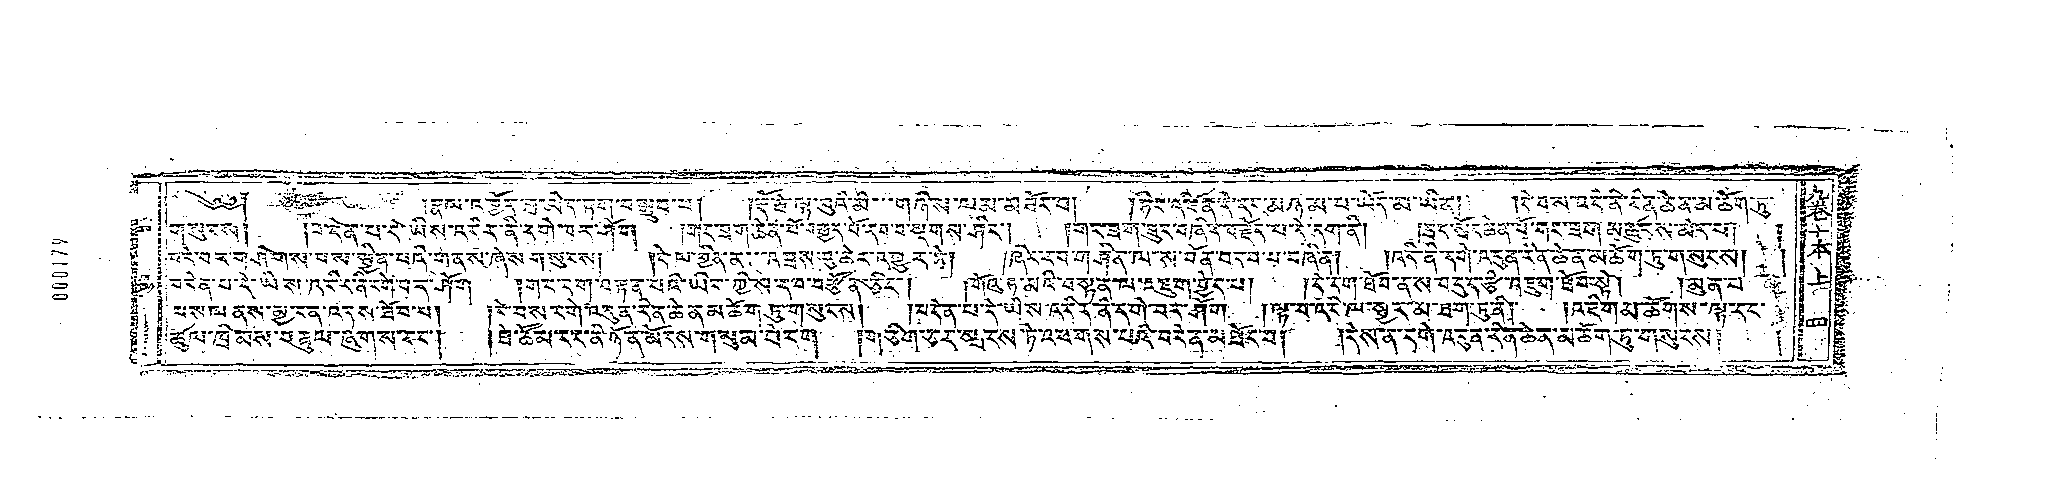༄༅། །རྣལ་འབྱོར་བླ་མེད་རྟག་བསྒྲུབ་པ། །རྡོ་རྗེ་ལྟ་བུའི་མི་གཉིས་ལམ་མཐོང་བ། །ཏིང་འཛིན་དེ་དང་མཉམ་པ་ཡོད་མ་ཡིན། །དེ་བས་འདི་ནི་རིན་ཆེན་མཆོག་ཏུ་
གསུངས། །བདེན་པ་དེ་ཡིས་འདིར་ནི་དགེ་བར་ཤོག །གང་ཟག་ཆེན་པོ་བརྒྱད་པོ་རབ་བསྔགས་ཤིང་། །གང་ཟག་ཟུང་བཞིར་བརྗོད་པ་དེ་དག་ནི། །དྲང་སྲོང་ཆེན་པོ་གང་ཟག་མཚུངས་མེད་པ། །
བདེ་བར་གཤེགས་པས་སྦྱིན་པའི་གནས་ཞེས་གསུངས། །དེ་ལ་བྱིན་ན་འབྲས་བུ་ཆེར་འགྱུར་ཏེ། །ཞིང་རབ་གཤིན་ལ་ས་བོན་བདབ་པ་བཞིན། །འདི་ནི་དགེ་འདུན་རིན་ཆེན་མཆོག་ཏུ་གསུངས། །
བདེན་པ་དེ་ཡིས་འདིར་ནི་དགེ་བར་ཤོག །གང་དག་བརྟན་པའི་ཡིད་ཀྱིས་རབ་བརྩོན་ཅིང་། །གོའུ་ཏ་མའི་བསྟན་ལ་འཇུག་བྱེད་པ། །དེ་དག་ཐོབ་ནས་བདུད་རྩི་འཇུག་ཐོབ་སྟེ། །མུན་པ་
བསལ་ནས་མྱ་ངན་འདས་ཐོབ་པ། །དེ་བས་དགེ་འདུན་རིན་ཆེན་མཆོག་ཏུ་གསུངས། །བདེན་པ་དེ་ཡིས་འདིར་ནི་དགེ་བར་ཤོག །ལྟ་བ་འདི་ལ་སྦྱར་མ་ཐག་ཏུ་ནི། །འཇིག་ཚོགས་ལྟ་དང་
ཚུལ་ཁྲིམས་བརྟུལ་ཞུགས་དང་། །ཐེ་ཚོམ་དང་ནི་ཉོན་མོངས་གསུམ་པོ་དག །གཅིག་ཅར་སྤངས་ཏེ་འཕགས་པའི་བདེན་མཐོད་བ། །དེས་ན་དགེ་འདུན་རིན་ཆེན་མཆོག་ཏུ་གསུངས། །